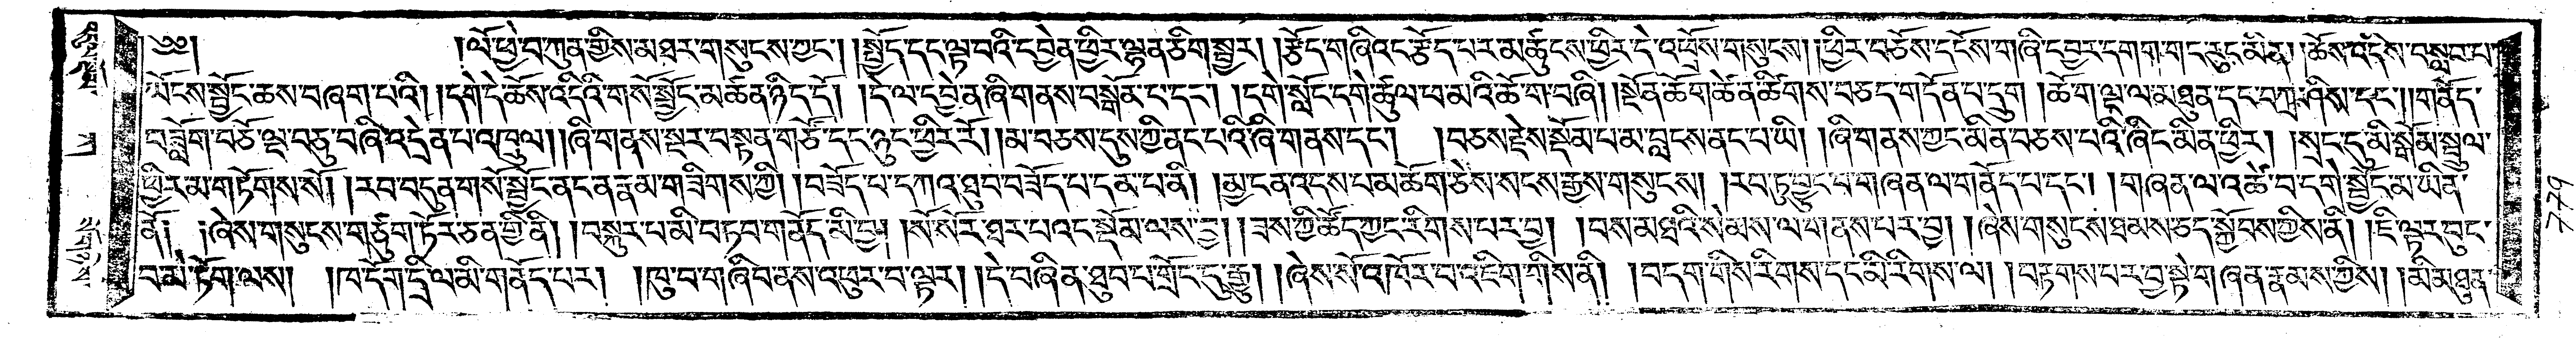༄༅། །ལོ་ཕྱེ་བ་ཀུན་གྱིས་མཐར་གསུངས་ཀྱང་། །སྤྱོད་དང་ལྟ་བའི་དབྱེན་ཕྱིར་ལྷན་ཅིག་སྦྱར། །རྩོད་གཞིའང་རྩོད་པར་མཚུངས་ཕྱིར་དེ་འཕྲོས་གསུངས། །ཕྱིར་བཅོས་དངོས་གཞི་དབྱར་དགག་གང་རུང་མིན། །ཆོས་འདིས་བསླབ་པ་
ཡོངས་སྦྱོང་ཆས་བཞག་པའི། །དགེ་དེ་ཆོས་འདིའི་གསོ་སྦྱོང་མཚན་ཉིད་དོ། །དེ་ལ་དབྱེ་ན་ཞི་གནས་བསྒོམ་པ་དང་། །དགེ་སློང་དགེ་ཚུལ་ཕ་མའི་ཆོ་ག་བཞི། །སྔོན་ཆོག་ཚེ་ན་ཚིགས་བཅད་གདོན་པ་དྲུག །ཆོ་ག་ལྔ་ལ་མཐུན་དང་བཀྲ་ཤིས་དང་། །གནོད་
བཟློག་བཅོ་ལྔ་བཅུ་བཞི་འདྲེན་པ་འཁྲུལ། །ཞི་གནས་སྔར་བསྟན་གཙོ་དང་ཉུང་ཕྱིར་རོ། །མ་བཅས་དུས་ཀྱི་ནང་བའི་ཞི་གནས་དང་། །བཅས་རྗེས་སྡོམ་པ་མ་བླངས་ནང་པ་ཡི། །ཞི་གནས་ཀྱང་མིན་བཅས་པའི་ཞིང་མིན་ཕྱིར། །སྲང་དུ་མི་སྒོམ་སྦྲུལ་
ཕྱིར་མ་གཏོགས་སོ། །རབ་བདུན་གསོ་སྦྱོང་ནང་ན་རྣམ་གཟིགས་ཀྱི། །བཟོད་པ་དཀའ་ཐུབ་བཟོད་པ་དམ་པ་ནི། །མྱ་ངན་འདས་པ་མཆོག་ཅེས་སངས་རྒྱས་གསུངས། །རབ་ཏུ་བྱུང་བ་གཞན་ལ་གནོད་པ་དང་། །གཞན་ལ་འཚེ་བ་དགེ་སྦྱོང་མ་ཡིན་
ནོ༑ ༑ཞེས་གསུངས་གཙུག་ཏོར་ཅན་གྱི་ནི། །བསྐུར་པ་མི་བཏབ་གནོད་མི་བྱ། །སོ་སོར་ཐར་པའང་སྡོམ་ལས་བྱ། །ཟས་ཀྱི་ཆོད་ཀྱང་རིགས་པར་བྱ། །བས་མཐའི་སེམས་ལ་གནས་པར་བྱ། །ཞེས་གསུངས་ཐམས་ཅད་སྐྱོབས་ཀྱིས་ནི། །ཇི་ལྟར་བུང་
བ་མེ་ཏོག་ལས། །ཁ་དོག་དྲིལ་མི་གནོད་པར། །ཁུ་བ་གཞིབ་ནས་འཕུར་བ་ལྟར། །དེ་བཞིན་ཐུབ་པ་གྲོང་དུ་རྒྱུ། །ཞེས་སོ་འཁོར་བ་འཇིག་གིས་ནི། །བདག་གིས་རིགས་དང་མི་རིགས་ལ། །བརྟགས་པར་བྱ་སྟེ་གཞན་རྣམས་ཀྱིས། །མི་མཐུན་